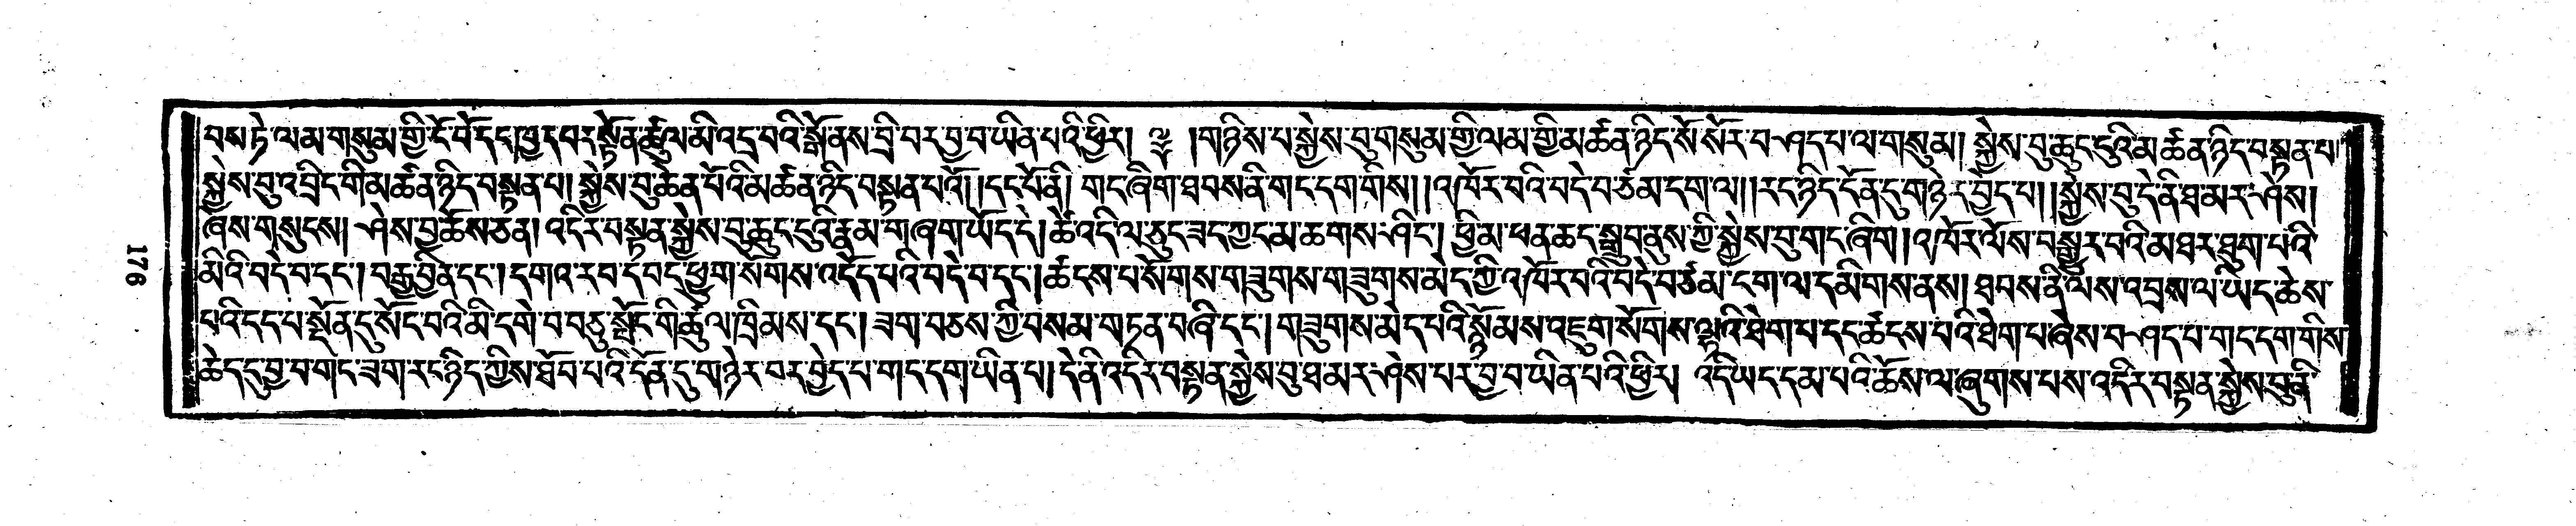བས་ཏེ་ལམ་གསུམ་གྱི་ངོ་བོ་དང་ཁྱད་པར་སྟོན་ཚུལ་མི་འདྲ་བའི་སྒོ་ནས་བྲི་བར་བྱ་བ་ཡིན་པའི་ཕྱིར། ༈ །གཉིས་པ་སྐྱེས་བུ་གསུམ་གྱི་ལམ་གྱི་མཚན་ཉིད་སོ་སོར་བཤད་པ་ལ་གསུམ། སྐྱེས་བུ་ཆུང་ངུའི་མཚན་ཉིད་བསྟན་པ།
སྐྱེས་བུ་འབྲིང་གི་མཚན་ཉིད་བསྟན་པ། སྐྱེས་བུ་ཆེན་པོའི་མཚན་ཉིད་བསྟན་པའོ། །དང་པོ་ནི། གང་ཞིག་ཐབས་ནི་གང་དག་གིས། །འཁོར་བའི་བདེ་བ་ཙམ་དག་ལ། །རང་ཉིད་དོན་དུ་གཉེར་བྱེད་པ། །སྐྱེས་བུ་དེ་ནི་ཐ་མར་ཤེས།
ཞེས་གསུངས། ཤེས་པ་ཆོས་ཅན། འདིར་བསྟན་སྐྱེས་བུ་ཆུང་ངུའི་རྣམ་གཞག་ཡོད་དེ། ཚེ་འདི་ལ་ཅུང་ཟད་ཀྱང་མ་ཆགས་ཤིང་། ཕྱི་མ་ཕན་ཆད་སྒྲུབ་ནུས་ཀྱི་སྐྱེས་བུ་གང་ཞིག །འཁོར་ལོས་བསྒྱུར་བའི་མཐར་ཐུག་པའི་
མིའི་བདེ་བ་དང་། བརྒྱ་བྱིན་དང་། དགའ་རབ་དབང་ཕྱུག་སོགས་འདོད་པའི་བདེ་བ་དང་། ཚངས་པ་སོགས་གཟུགས་གཟུགས་མེད་ཀྱི་འཁོར་བའི་བདེ་བ་ཙམ་དག་ལ་དམིགས་ནས། ཐབས་ནི་ལས་འབྲས་ལ་ཡིད་ཆེས་
པའི་དད་པ་སྔོན་དུ་སོང་བའི་མི་དགེ་བ་བཅུ་སྤོང་གི་ཚུལ་ཁྲིམས་དང་། ཟག་བཅས་ཀྱི་བསམ་གཏན་བཞི་དང་། གཟུགས་མེད་པའི་སྙོམས་འཇུག་སོགས་ལྷའི་ཐེག་པ་དང་ཚངས་པའི་ཐེག་པ་ཞེས་བཤད་པ་གང་དག་གིས་
ཆེད་དུ་བྱ་བ་གང་ཟག་རང་ཉིད་ཀྱིས་ཐོབ་པའི་དོན་དུ་གཉེར་བར་བྱེད་པ་གང་དག་ཡིན་པ། དེ་ནི་འདིར་བསྟན་སྐྱེས་བུ་ཐ་མར་ཤེས་པར་བྱ་བ་ཡིན་པའི་ཕྱིར། འདི་ཡང་དམ་པའི་ཆོས་ལ་ཞུགས་པས་འདིར་བསྟན་སྐྱེས་བུ་ནི་